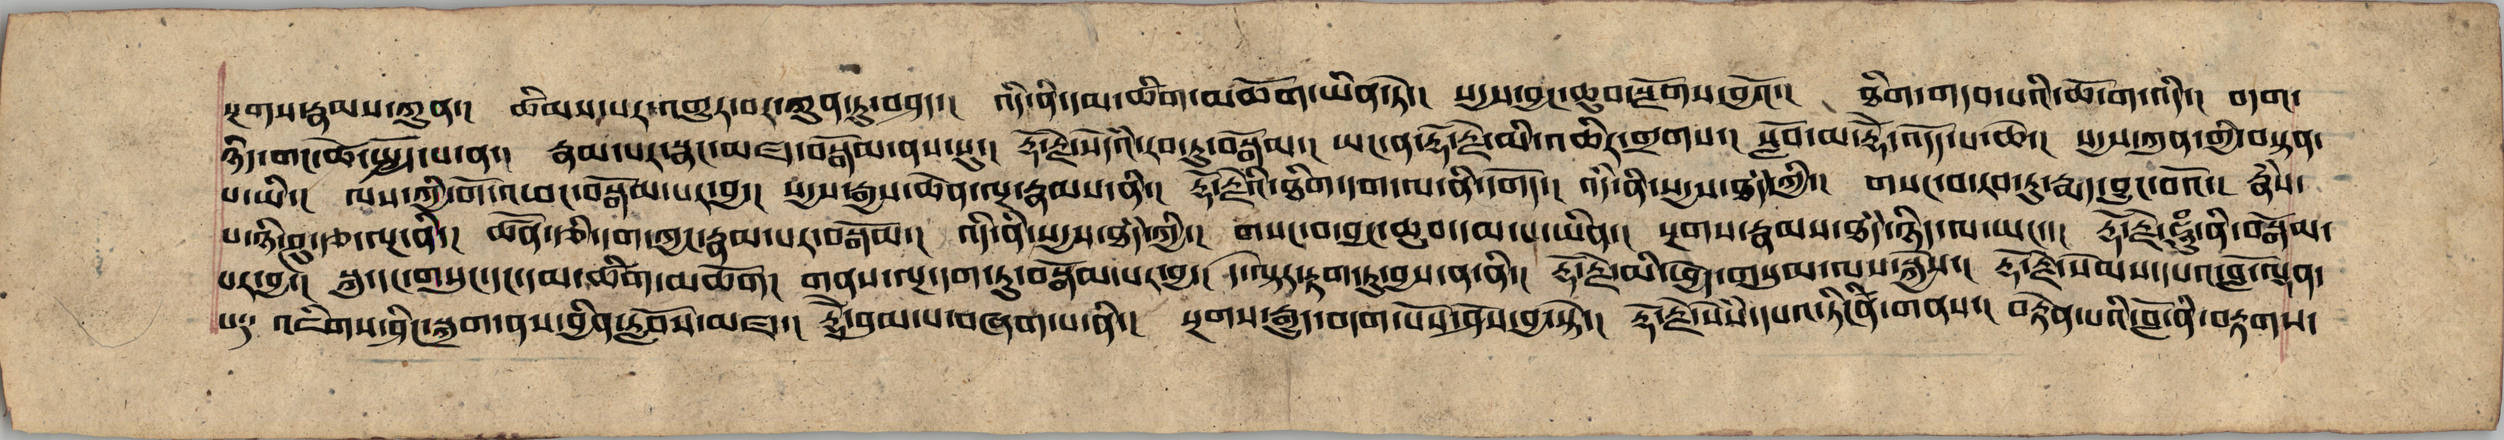སྔགས་རྣམས་ཀུན་། ཚིམས་པར་འགྱུར་བར་ཀུན་ཏུ་བཤད་། འདི་ནི་དམ་ཚིག་མཆོག་ཡིན་ཏེ་། སདྱས་བྱང་ཆུབ་སྫོགས་བྱའོ་། ཐིག་གདབ་པའི་ཆོ་ག་འདི་། བདག་
ཉིད་གང་ཚེ་སྤྱོད་པ་ན་། རྣམ་པར་སྣང་མཛད་བསྒོམ་ནས་སུ་། རྡོ་རྗེ་སེདཾའ་རབ་ཏུ་བསྒོམ་། ཡང་ན་རྡོ་རྗེ་མི་འཆིར་གྲགས་། སློབ་མ་རྡོེ་འདོད་པ་ཆེ་། སདྱས་ཀུན་གྱི་བསྟན་
པ་ཡི་། ལས་ཀྱི་གོ་འཕང་བསྒོམ་པར་བྱ་། སདྱས་རྒྱས་ཆེན་ལྔ་རྣམས་ནི་། རྡོ་རྗེའི་ཐིག་དག་ལ་ནི་དགོད་། འདི་ནི་སདྱས་ཐདཾ་ཀྱི་། གསང་བ་རབ་ཏུ་རྨད་བྱུང་བའོ་། རྣཾས་
པ་ཉི་ཤུ་རྩ་ལྔ་ནི་། ཚན་རྩི་དག་ཀྱང་རྣམ་པར་བསྒོམ་། འདི་ནི་སདྱས་ཐཾད་ཀྱི་། གསང་བ་བྱང་ཆུབ་དམ་པ་ཡིན་། སྔགས་རྣམས་ཐཾད་ཉིད་ལ་ཡང་་། རྡོ་རྗེ་ཧཱུཾ་ནི་བསྒོམ་
པར་བྱ་། སྐུ་དང་གསུང་དང་དམ་ཚིག་མཆོག། གནས་ལྔ་དག་ཏུ་བསྒོམ་པར་བྱ་། དེ་ལྟར་རྟག་ཏུ་བྱས་ན་ནི་། རྡོ་རྗེ་མི་ཕྱེད་གསུམ་ལས་སྐྱེས་། རྡོ་རྗེ་སེམས་དཔའ་བློ་ལྡན་
པ༑ འཇིགས་ཤིང་སྐྲག་ནས་བྱིན་རློབས་མཛད་། རྡོེ་བུམ་པ་བཞག་པ་ནི་། སྔགས་རྒྱུད་བདག་པོས་ཤེས་བྱ་སྟེ་། རྡོ་རྗེ་སེཾས་དཔའ་ཏིངཛིན་གནས་། བརྟེན་པའི་བློ་ནི་བརྟགས་